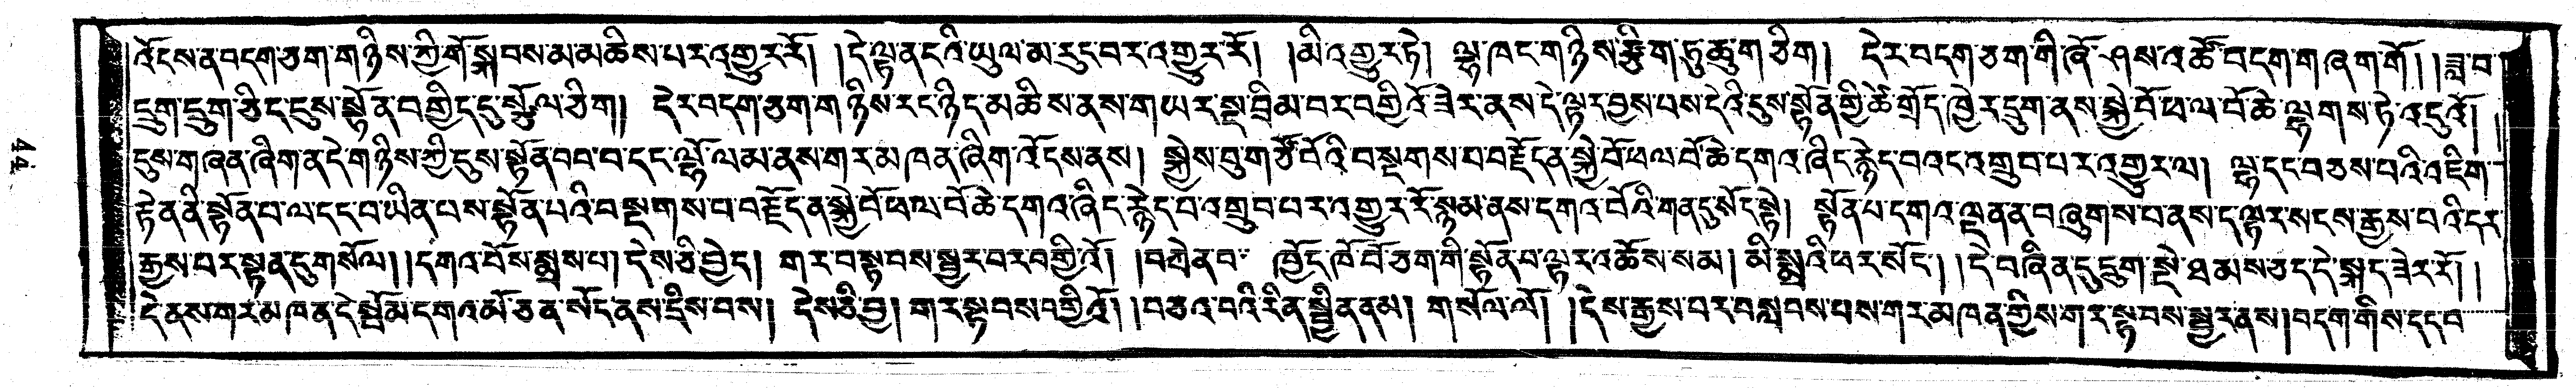འོངས་ན་བདག་ཅག་གཉིས་ཀྱི་གོ་སྐབས་མ་མཆིས་པར་འགྱུར་རོ། །དེ་ལྟ་ན་ངའི་ཡུལ་མ་རུང་བར་འགྱུར་རོ། །མི་འགྱུར་ཏེ། ལྷ་ཁང་གཉིས་རྩིག་ཏུ་ཆུ་གཅིག། དེར་བདག་ཅག་གི་ཞོ་ཤས་འཚོ་བདག་གཞག་གོ། །ཟླ་བ་
དྲུག་དྲུག་ཅིང་དུས་སྟོན་བགྱིད་དུ་སྩོལ་ཅིག། དེར་བདག་ཅག་གཉིས་རང་ཉིད་མཆིས་ནས་གཡར་སྔ་བྲིམ་བར་བགྱིའོ་ཟེར་ནས་དེ་ལྟར་བྱས་པས་དེའི་དུས་སྟོན་གྱི་ཚེ་གྲོད་ཁྱེར་དྲུག་ནས་སྐྱེ་བོ་ཕ་ལ་བོ་ཆེ་ལྷགས་ཏེ་འདུའོ། །
དུས་གཞན་ཞིག་ན་དེ་གཉིས་ཀྱི་དུས་སྟོན་བབ་བ་དང་ལྷོ་ལམ་ནས་གར་མཁན་ཞིག་འོངས་ནས། སྐྱེས་བུ་གཙོ་བོའི་བསྔགས་བ་བརྗོད་ན་སྐྱེ་བོ་ཕལ་བོ་ཆེ་དགའ་ཞིང་རྙེད་བའང་འགྲུབ་པར་འགྱུར་ལ། ལྷ་དང་བཅས་པའི་འཇིག་
རྟེན་ནི་སྟོན་པ་ལ་དད་པ་ཡིན་པས་སྟོན་པའི་བསྔགས་པ་བརྗོད་ན་སྐྱེ་བོ་ཕལ་བོ་ཆེ་དགའ་ཞིང་རྙེད་པ་འགྲུབ་པར་འགྱུར་རོ་སྙམ་ནས་དགའ་བོའི་གན་དུ་སོང་སྟེ། སྟོན་པ་དགའ་ལྡན་ན་བཞུགས་པ་ནས་ད་ལྟར་སངས་རྒྱས་པའི་དར་
རྒྱས་པར་སྟན་དུ་གསོལ། །དགའ་བོས་སྨྲས་པ། དེས་ཅི་བྱེད། གར་བསྟབས་སྦྱར་བར་བགྱི་འོ། །བཀྲེན་བ༑ ཁྱོད་ཁོ་བོ་ཅག་གི་སྟོན་པ་ལྟར་འཆོས་སམ། མི་སྨྲའི་ཕར་སོང་། །དེ་བཞིན་དུ་དྲུག་སྡེ་ཐམས་ཅད་དེ་སྐད་ཟེར་རོ། །
དེ་ནས་གར་མཁན་དེ་སྦོམ་དགའ་མོ་ཅན་སོང་ནས་དྲིས་པས། དེས་ཅི་བྱ། གར་སྟབས་བགྱིའོ། །བཅའ་བའི་རིན་སྦྱིན་ནམ། གསོལ་ལོ། །དེས་རྒྱས་པར་བསླབས་པས་གར་མཁན་གྱིས་གར་སྟབས་སྦྱར་ནས་།བདག་གིས་དད་བ་